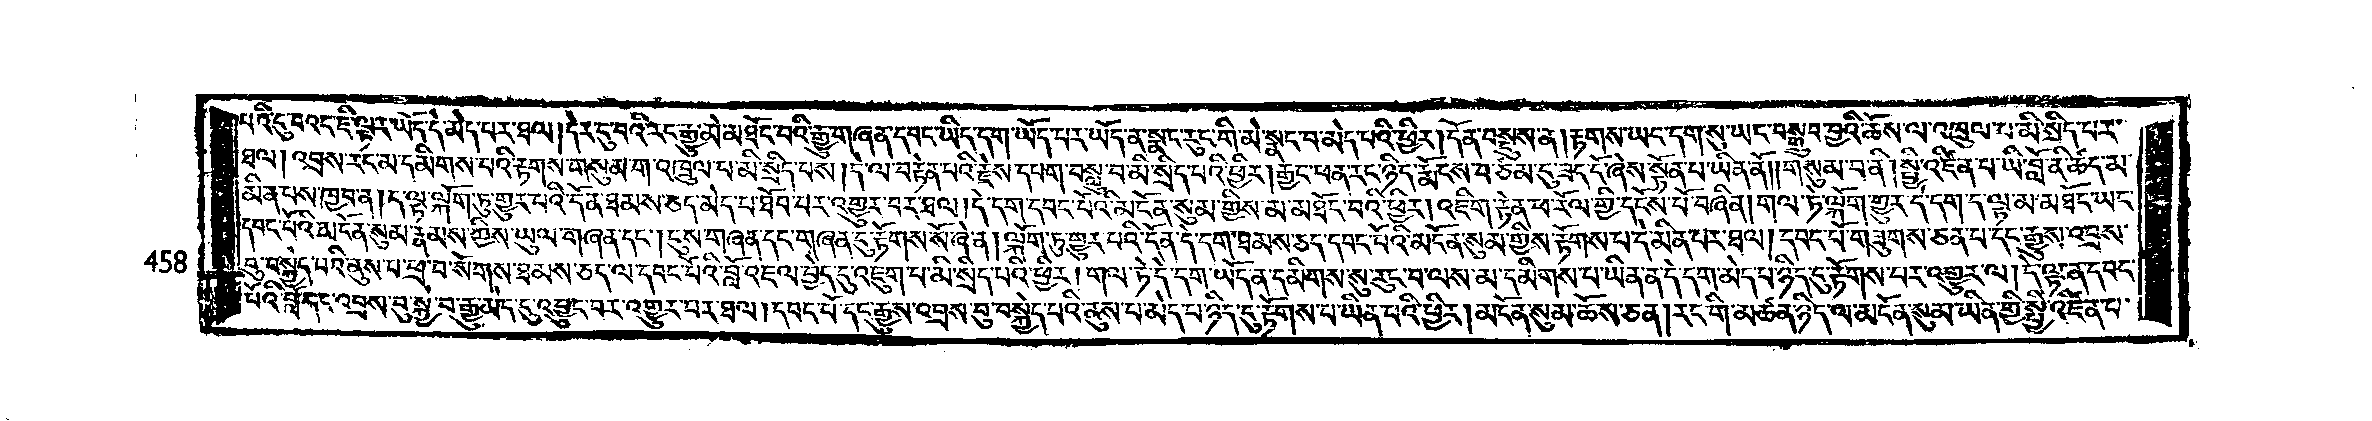པའི་དུ་བའང་ཇི་ལྟར་ཡོད་དེ་མེད་པར་ཐལ། དེར་དུ་བའི་རང་རྒྱུ་མེ་མཐོང་བའི་རྒྱུ་གཞན་དབང་ཡིད་དག་ཡོད་པར་ཡོད་ན་སྣང་རུང་གི་མེ་སྣང་བ་མེད་པའི་ཕྱིར། དོན་བསྡུས་ན། རྟགས་ཡང་དག་སུ་ཡང་བསྒྲུབ་བྱའི་ཆོས་ལ་འཁྲུལ་པ་མི་སྲིད་པར་
ཐལ། འབྲས་རང་མ་དམིགས་པའི་རྟགས་གསུམ་ག་འཁྲུལ་པ་མི་སྲིད་པས། དེ་ལ་བརྟེན་པའི་རྗེས་དཔག་བསླུ་བ་མི་སྲིད་པའི་ཕྱིར། རྒྱང་ཕན་རང་ཉིད་རྨོངས་པ་ཙམ་དུ་ཟང་ངོ་ཞེས་སྟོན་པ་ཡིན་ནོ། །གསུམ་པ་ནི། སྤྱི་འཛིན་པ་ཡི་བློ་ནི་ཚད་མ་
མིན་པས་ཁྱབ་ན། ད་ལྟ་ལྐོག་ཏུ་གྱུར་པའི་དོན་ཐམས་ཅད་མེད་པ་ཐོབ་པར་འགྱུར་བར་ཐལ། དེ་དག་དབང་པོའི་མངོན་སུམ་གྱིས་མ་མཐོང་བའི་ཕྱིར། འཇིག་རྟེན་ཕ་རོལ་གྱི་དངོས་པོ་བཞིན། གལ་ཏེ་ལྐོག་གྱུར་དེ་དག་ད་ལྟ་མ་མཐོང་ཡང་
དབང་པོའི་མངོན་སུམ་རྣམས་ཀྱིས་ཡུལ་གཞན་དང་། དུས་གཞན་དང་གཞན་དུ་རྟོགས་སོ་ཞེ་ན། ལྐོག་ཏུ་གྱུར་པའི་དོན་དེ་དག་ཐམས་ཅད་དབང་པོའི་མངོན་སུམ་གྱིས་རྟོགས་པ་དེ་མིན་པར་ཐལ། དབང་པོ་གཟུགས་ཅན་པ་དང་རྒྱུས་འབྲས་
བ་བསྐྱེད་པའི་ནུས་པ་ཕྲ་བ་སོགས་ཐམས་ཅད་ལ་དབང་པོའི་བློ་འཇལ་བྱེད་དུ་འཇུག་པ་མི་སྲིད་པའི་ཕྱིར། གལ་ཏེ་དེ་དག་ཡོད་ན་དམིགས་སུ་རུང་བ་ལས་མ་དམིགས་པ་ཡིན་ན་དེ་དག་མེད་པ་ཉིད་དུ་རྟོགས་པར་འགྱུར་ལ། དེ་ལྟ་ན་དབང་
པོའི་བློ་གང་?་འབྲས་བུ་སྐྱེ་བ་རྒྱུ་མེད་དུ་འབྱུང་བར་འགྱུར་བར་ཐལ། དབང་པོ་དང་རྒྱུས་འབྲས་བུ་བསྐྱེད་པའི་ནུས་པ་མེད་པ་ཉིད་དུ་རྟོགས་པ་ཡིན་པའི་ཕྱིར། མངོན་སུམ་ཆོས་ཅན། རང་གི་མཚན་ཉིད་ལ་མངོན་སུམ་ཡིན་གྱི་སྤྱི་འཛིན་པ་